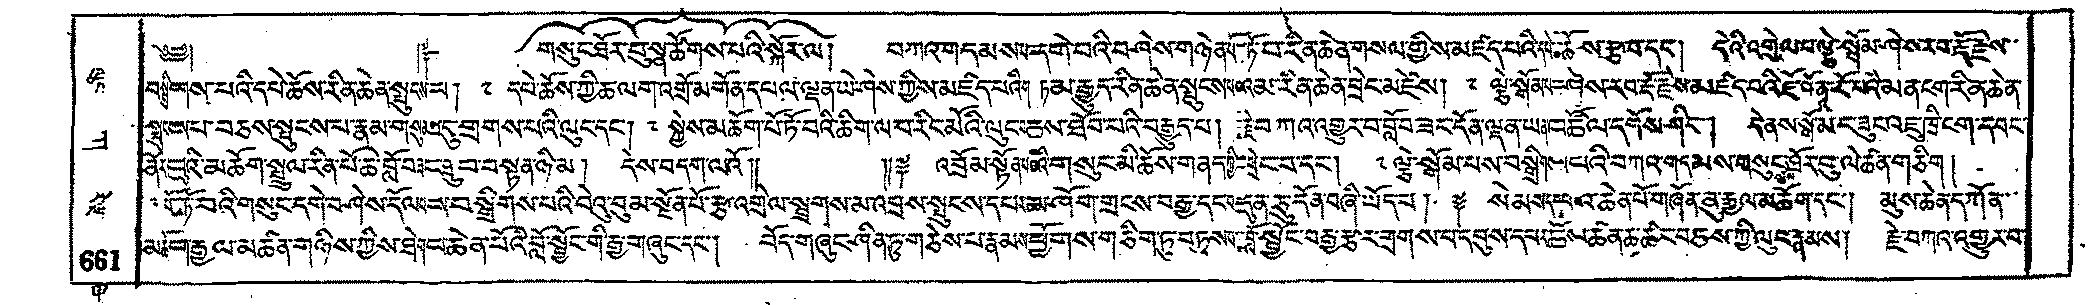༄༅། ། །འ ༼གསུང་ཐོར་བུ་སྣ་ཚོགས་པའི་སྐོར་ལ།༽ བཀའ་གདམས་པ་དགེ་བའི་བཤེས་གཉེན་པོ་ཏོ་བ་རིན་ཆེན་གསལ་གྱིས་མཛད་པའི་དཔེ་ཆོས་རྩ་བ་དང་། དེའི་འགྲེལ་པ་ལྕེ་སྒོམ་ཤེས་རབ་རྡོ་རྗེས་
བསྒྲིགས་པའི་དཔེ་ཆོས་རིན་ཆེན་སྤུངས་པ། ༧་དཔེ་ཆོས་ཀྱི་ཆ་ལག་འགྲོ་མགོན་དཔལ་ལྡན་ཡེ་ཤེས་ཀྱིས་མཛད་པའི་གཏམ་རྒྱུད་རིན་ཆེན་སྤུངས་པའམ་རིན་ཆེན་ཕྲེང་མཛེས། ༧་ལྕེ་སྒོམ་པ་ཤེས་རབ་རྡོ་རྗེས་མཛད་པའི་ཇོ་བོ་ནཱ་རོ་པའི་མན་ངག་རིན་ཆེན་
སྤུངས་པ་བཅས་སྤུངས་པ་རྣམ་གསུམ་དུ་གྲགས་པའི་ལུང་དང་། ༧་སྐྱེས་མཆོག་པོ་ཏོ་བའི་ཆིག་ལབ་རིང་མོའི་ལུང་བཅས་ཐོབ་པའི་བརྒྱུད་པ། རྗེ་བཀའ་འགྱུར་བ་བློ་བཟང་དོན་ལྡན་ཡན་འཚོལ་དགོས་ཤིང་། དེ་ནས་སྒོ་མང་ཟུང་འཇུ་ཁྲི་ངག་དབང་
ནོར་བུའི་མཆོག་སྤྲུལ་རིན་པོ་ཆེ་བློ་བཟང་ཐུབ་བསྟན་ཉི་མ། དེས་བདག་ལའོ།། །།འ་འབྲོམ་སྟོན་པའི་གསུང་མི་ཆོས་གནད་ཀྱི་ཕྲེང་བ་དང་། ༧་ལྕེ་སྒོམ་པས་བསྒྲིགས་པའི་བཀའ་གདམས་གསུང་ཤས་?་ཐོར་བུ་ལེ་ཚན་གཅིག།
༧་པོ་ཏོ་བའི་གསུང་དགེ་བཤེས་དོལ་པས་བསྒྲིགས་པའི་བེའུ་བུམ་སྔོན་པོ་རྩ་འགྲེལ་སྦྲགས་མ་འབྲས་སྤུངས་དཔར་མ་ཤོག་གྲངས་བརྒྱ་དང་བདུན་ཅུ་དོན་བཞི་ཡོད་པ། འ་སེམས་དཔའ་ཆེན་པོ་གཞོན་ནུ་རྒྱལ་མཆོག་དང་། མུས་ཆེན་དཀོན་
མཆོག་རྒྱལ་མཚན་གཉིས་ཀྱིས་ཐེག་པ་ཆེན་པོའི་བློ་སྦྱོང་གི་རྒྱ་གཞུང་དང་། བོད་གཞུང་ཤིན་ཏུ་གཅེས་པ་རྣམས་ཕྱོགས་གཅིག་ཏུ་བཏུས་པ་བློ་སྦྱོང་བརྒྱ་རྩར་གྲགས་པ་དབུས་དཔར་ཆོས་ཚན་ཆ་ཚང་བཅས་ཀྱི་ལུང་རྣམས། རྗེ་བཀའ་འགྱུར་བ་